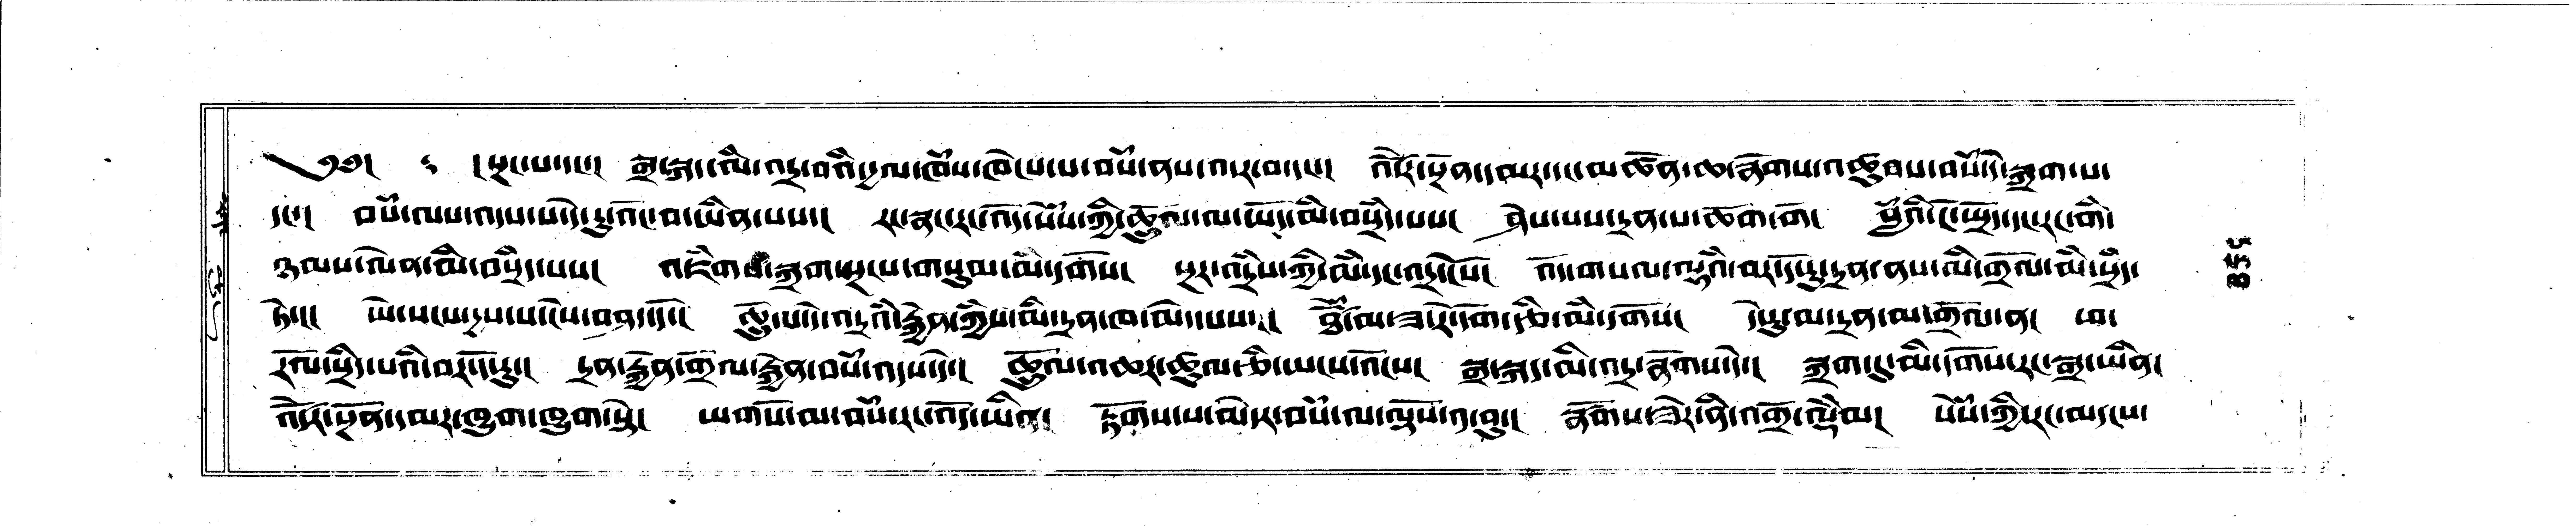སྔངས་པ་དང་། སྒྲ་སྐད་མི་འདྲ་བས་རྒྱལ་ཁམས་ཁེངས་པ་བསམ་ནས་འདར་བ་དང་། འོད་ཟེར་སྔོ་དམར་དང་མཚོན་ཆ་སྣ་ཚོགས་འཚུབ་བསམ་དེ་སྐྲག་པ་
དང་། བསམ་ལས་འདས་པ་དེ་རུ་འོང་བ་ཡིན་པས། རང་སྣང་རང་འོད་སེམས་ཀྱི་ཆོ་འཕྲུལ་ལས་ཡོད་མི་སྲིད་པས། ཤེས་པས་དྲན་པ་ཆོག་གོ བླ་མ་ངོ་སྤྲོད་དང་རང་གི་
ཉམས་ལེན་ལས་མི་སྲིད་པས། འཇིགས་སྐྲག་སྔངས་གསུམ་མི་དགོས། སྔར་འདྲིས་ཀྱི་མི་དང་འདྲ་ངེས་སོ། །འོད་གསལ་ལྷའི་བར་དོ་རུ་དྲན་ནས་མི་གྲོལ་མི་སྲིད་
དེ། ཡེ་སངས་རྒྱས་པ་ངས་བཤད་དོ། །ཆོ་འཕྲུལ་དེ་འདྲའི་རྐྱེན་གྱིས་མི་དྲན་ཁ་མེད་པས། ཐེ་ཚོམ་མ་ཟ་རེ་དོགས་རྩི་མི་དགོས། དེ་རུ་མ་དྲན་མ་གྲོལ་ན། ཕ་
རོལ་སྲིད་པའི་བར་དོ་རུ། དྲན་རྐྱེན་གྲོལ་རྐྱེན་བསམ་འདས་དེ། ཆོ་འཕྲུལ་འཆར་ཚུལ་ཅི་ཡང་འོང་། སྒྲ་སྐད་མི་འདྲ་སྣ་ཚོགས་དེ། སྐྲག་དུ་མི་དགོས་རང་སྒྲ་ཡིན། 
འོད་ཟེར་སྔོ་དམར་ཁྱུག་ཁྱུག་སྟེ། ཡག་སོ་མ་བསམ་རང་འོད་ཡིན། རྟོག་པ་མེད་པར་བསམ་ལ་ལྟོས་ཅིག་བུ། སྣ་ཚོགས་ཟེར་ནི་འགྲོ་ལྡེམ་ལྡེམ། སེམས་ཀྱི་རང་མདངས་ཡིན་པ་